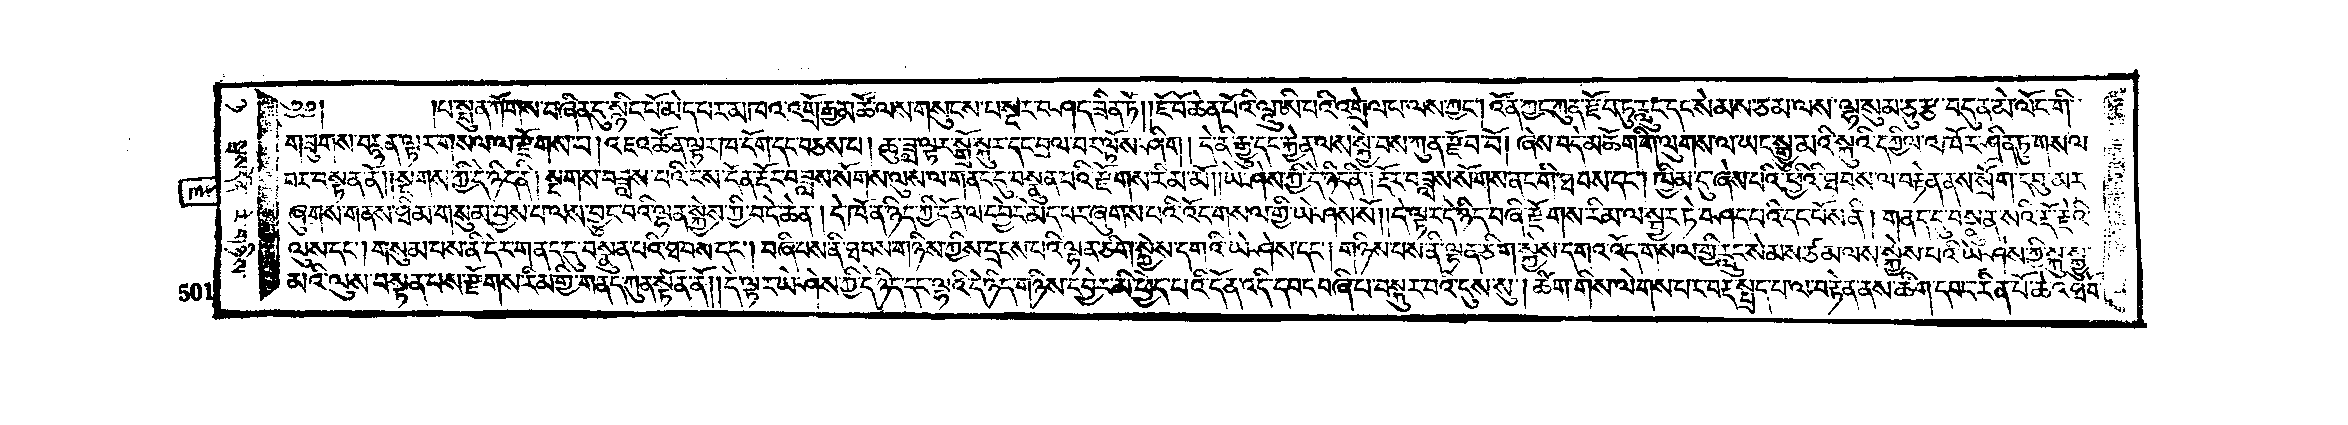༄༅། །པ་སྦུན་ཀོགས་བཞིན་དུ་སྙིང་པོ་མེད་པར་མཁའ་འགྲོ་རྒྱ་མཚོ་ལས་གསུངས་པ་སྔར་བཤད་ཟིན་ཏོ། །ཇོ་བོ་ཆེན་པོའི་ལཱུ་ཨི་པའི་འགྲེལ་པ་ལས་ཀྱང་། འོན་ཀྱང་ཀུན་རྫོབ་ཏུ་རླུང་དང་སེམས་ཙམ་ལས་ལྷ་སུམ་ཅུ་རྩ་བདུན་མེ་ལོང་གི་
གཟུགས་བརྙན་ལྟར་གསལ་ལ་རྫོགས་པ། འཇའ་ཚོན་ལྟར་ཁ་དོག་དང་བཅས་པ། ཆུ་ཟླ་ལྟར་སྒྲོ་སྐུར་དང་བྲལ་བར་ལྟོས་ཤིག །དེ་ནི་རྒྱུ་དང་རྐྱེན་ལས་སྐྱེ་བས་ཀུན་རྫོབ་བོ། ཞེས་བདེ་མཆོག་གི་ལུགས་ལ་ཡང་སྒྱུ་མའི་སྐུའི་དཀྱིལ་འཁོར་ཤིན་ཏུ་གསལ་
བར་བསྟན་ནོ། །སྔགས་ཀྱི་དེ་ཉིད་ནི། སྔགས་བཟླས་པའི་ངེས་དོན་རྡོར་བཟླས་སོགས་ལུས་ལ་གནང་དུ་བསྣུན་པའི་རྫོགས་རིམ་མོ། །ཡེ་ཤེས་ཀྱི་དེ་ཉིད་ནི། རྡོར་བཟླས་སོགས་ནང་གི་ཐབས་དང་། ཁྱིམ་དུ་ཞེས་པའི་ཕྱིའི་ཐབས་ལ་བརྟེན་ནས་སྲོག་དབུ་མར་
ཞུགས་གནས་ཐིམ་གསུམ་བྱས་པ་ལས་བྱུང་བའི་ལྷན་སྐྱེས་ཀྱི་བདེ་ཆེན། དེ་ཁོ་ན་ཉིད་ཀྱི་དོན་ལ་དབྱེར་མེད་པར་ཞུགས་པའི་འོད་གསལ་གྱི་ཡེ་ཤེས་སོ། །དེ་ལྟར་དེ་ཉིད་བཞི་རྫོགས་རིམ་ལ་སྦྱར་ཏེ་བཤད་པའི་དང་པོས་ནི། གནད་དུ་བསྣུན་སའི་རྡོ་རྗེའི་
ལུས་དང་། གསུམ་པས་ནི་དེར་གནང་དུ་བསྣུན་པའི་ཐབས་དང་། བཞི་པས་ནི་ཐབས་གཉིས་ཀྱིས་དྲངས་པའི་ལྷན་ཅིག་སྐྱེས་དགའི་ཡེ་ཤེས་དང་། གཉིས་པས་ནི་ལྷན་ཅིག་སྐྱེས་དགའ་འོད་གསལ་གྱི་རླུང་སེམས་ཙམ་ལས་སྐྱེས་པའི་ཡེ་ཤེས་ཀྱི་སྐུ་སྒྱུ་
མའི་ལུས་བསྟན་པས་རྫོགས་རིམ་གྱི་གནད་ཀུན་སྟོན་ནོ། །དེ་ལྟར་ཡེ་ཤེས་ཀྱི་དེ་ཉིད་དང་ལྷའི་དེ་ཉིད་གཉིས་དབྱེར་མི་ཕྱེད་པའི་དོན་འདི་དབང་བཞི་པ་བསྐུར་བའི་དུས་སུ། ཚིག་གིས་ལེགས་པར་བརྡ་སྤྲད་པ་ལ་བརྟེན་ནས་ཚིག་དབང་རིན་པོ་ཆེ་འཐོབ་